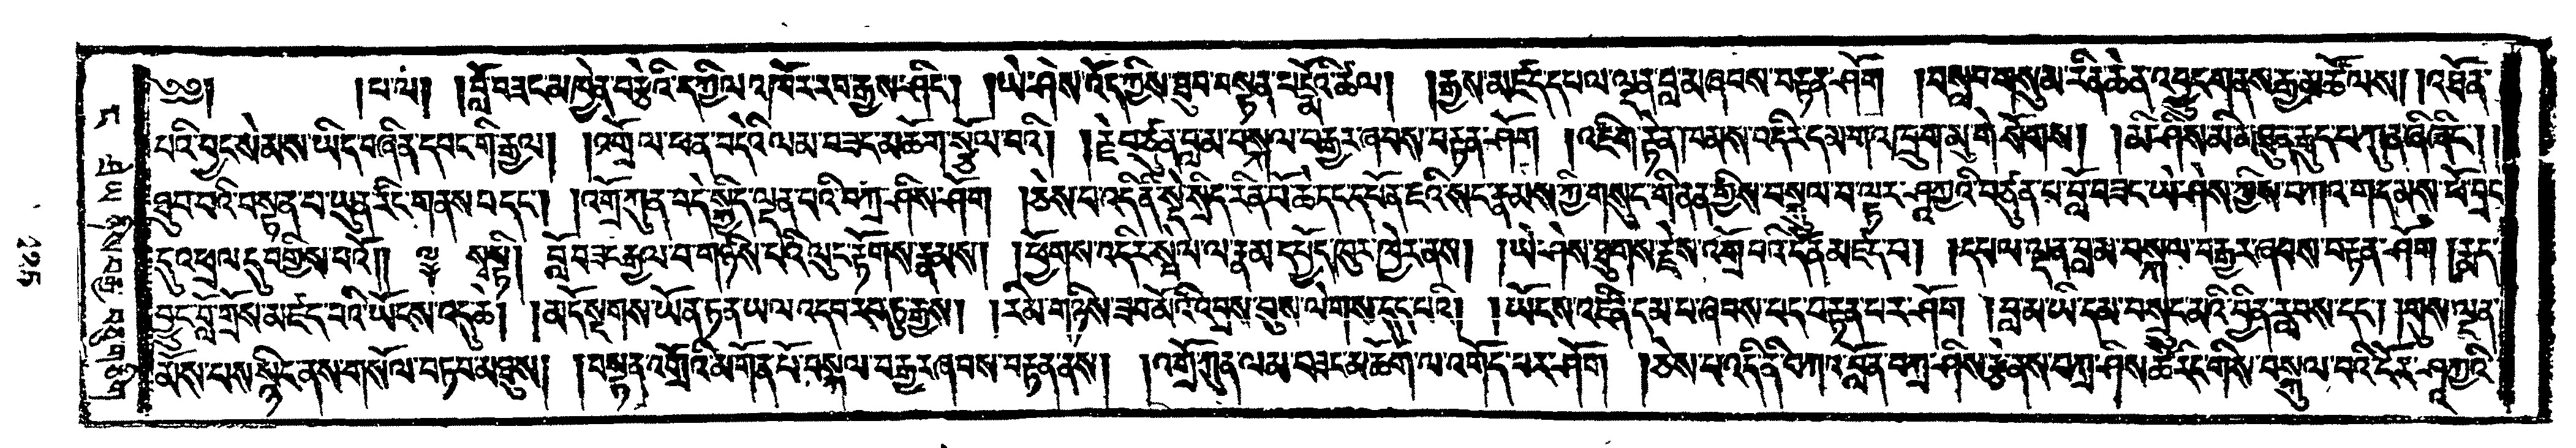༄༅། །པ་ལ། །བློ་བཟང་མཁྱེན་བརྩེའི་དཀྱིལ་འཁོར་རབ་རྒྱས་ཤིང་། །ཡེ་ཤེས་འོད་ཀྱིས་ཐུབ་བསྟན་པདམོའི་ཚལ། །རྒྱས་མཛད་དཔལ་ལྡན་བླ་མ་ཞབས་བརྟན་ཤོག །བསླབ་གསུམ་རིན་ཆེན་འབྱུང་གནས་རྒྱ་མཚོ་ལས། །འཐོན་
པའི་བྱང་སེམས་ཡིད་བཞིན་དབང་གི་རྒྱལ། །འགྲོ་ལ་ཕན་བདེའི་ལམ་བཟང་མཆོག་སྩོལ་བའི། །རྗེ་བཙུན་བླ་མ་བསྐལ་བརྒྱར་ཞབས་བརྟན་ཤོག །འཇིག་རྟེན་ཁམས་འདིར་དམག་འཁྲུག་མུ་གེ་སོགས། །མི་ཤིས་མི་མཐུན་རྒྱུད་པ་ཀུན་ཞི་ཞིང་། །
ཐུབ་བའི་བསྟན་པ་ཡུན་རིང་གནས་པ་དང་། །འགྲོ་ཀུན་བདེ་སྐྱིད་ལྡན་པའི་བཀྲ་ཤིས་ཤོག །ཅེས་པ་འདི་ནི་སྡེ་སྲིད་རིན་པོ་ཆེ་དང་དཔོན་ཇའི་སང་རྣམས་ཀྱི་གསུང་གི་ནན་གྱིས་བསྐུལ་བ་ལྟར་ཤཱཀྱའི་བཙུན་པ་བློ་བཟང་ཡེ་ཤེས་ཀྱིས་བཀའ་གདམས་ཕོ་བྲང་
དུ་འཕྲལ་དུ་བགྱིས་པའོ།། ༈ སྭསྟི། བློ་བཟང་རྒྱལ་བ་གཉིས་པའི་ལུང་རྟོགས་རྣམས། །ཕྱོགས་འདིར་སྦེལ་ལ་རྣམ་དཔྱོད་ཁུར་ཁྱེར་ནས། །ཡེ་ཤེས་ཐུགས་རྗེས་འགྲོ་བའི་དོན་མཛད་བ། །དཔལ་ལྡན་བླ་མ་བསྐལ་བརྒྱར་ཞབས་བརྟན་ཤོག །རྨད་
བྱུང་བློ་གྲོས་མཛད་བའི་ཡོངས་འདུ་ཆེ། །མདོ་སྔགས་ཡོན་ཏན་ཡལ་འདབ་རབ་ཏུ་རྒྱས། །རིམ་གཉིས་ཟབ་མོའི་འབྲས་བུས་ལེགས་དུད་པའི། །ཡོངས་འཛིན་དམ་པ་ཞབས་པད་བརྟན་པར་ཤོག །བླ་མ་ཡི་དམ་བསྲུང་མའི་བྱིན་རླབས་དང་། །གུས་ལྡན་
མོས་པས་སྙིང་ནས་གསོལ་བཏབ་མཐུས། །བསྟན་འགྲོའི་མགོན་པོ་བསྐལ་བརྒྱར་ཞབས་བརྟན་ནས། །འགྲོ་ཀུན་ལམ་བཟང་མཆོག་ལ་འགོད་པར་ཤོག །ཅེས་པ་འདི་ནི་བཀའ་བློན་བཀྲ་ཤིས་རྩེ་ནས་བཀྲ་ཤིས་ཚེ་རིང་གིས་བསྐུལ་བའི་ངོར་ཤཱཀྱའི་